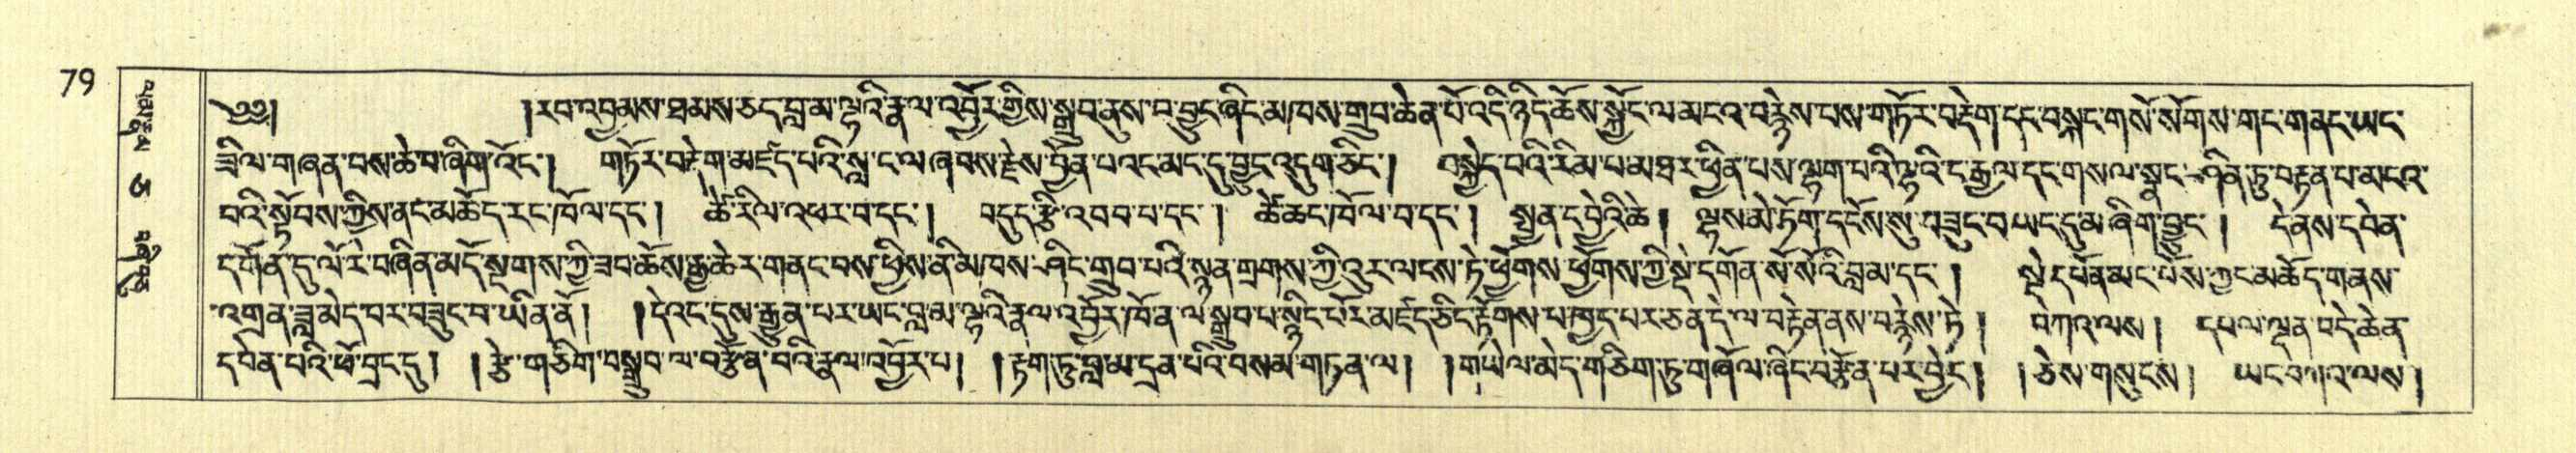༄༅། །རབ་འབྱམས་ཐམས་ཅད་བླ་མ་ལྷའི་རྣལ་འབྱོར་གྱིས་སྒྲུབ་ནུས་འབྱུང་ཞིང་མཁས་གྲུབ་ཆེན་པོ་འདི་ཉིད་ཆོས་སྐྱོང་ལ་མངའ་བརྙེས་པས་གཏོར་བརྡེག་དང་བསྐང་གསོ་སོགས་གང་གནང་ཡང་
ཟིལ་གཞན་བས་ཆེ་བ་ཟིག་འོང་། གཏོར་བརྡེག་མཛད་པའི་སླ་ང་ལ་ཞབས་རྗེས་བྱོན་པའང་མང་དུ་བྱུང་འདུག་ཅིང་། བསྐྱེད་བའི་རིམ་པ་མཐར་ཕྱིན་པས་ལྷག་པའི་ལྷའི་ང་རྒྱལ་དང་གསལ་སྣང་ཤིན་ཏུ་བརྟན་པ་མངའ་
བའི་སྟོབས་ཀྱིས་ནང་མཆོད་རང་ཁོལ་དང་། ཚེ་རིལ་འཕར་བ་དང་། བདུད་རྩི་འབབ་པ་དང་། ཚེ་ཆང་ཁོལ་བ་དང་། སྤྱན་དབྱེའི་ཆེ། ལྷས་མེ་ཏོག་དངོས་སུ་བཟུང་བ་ཡང་དུ་མ་ཞིག་བྱུང་། དེ་ནས་དབེན་
དགོན་དུ་ལོ་རེ་བཞིན་མདོ་སྔགས་ཀྱི་ཟབ་ཆོས་རྒྱ་ཆེར་གནང་བས་ཕྱིས་ནི་མཁས་ཤིང་གྲུབ་པའི་སྙན་གྲགས་ཀྱི་འུར་ལངས་ཏེ་ཕྱོགས་ཕྱོགས་ཀྱི་སྡེ་དགོན་སོ་སོའི་བླ་མ་དང་། སྡེ་དཔོན་མང་པོས་ཀྱང་མཆོད་གནས་
འགྲན་ཟླ་མེད་པར་བཟུང་བ་ཡིན་ནོ། །དེའང་དུས་རྒྱུན་པར་ཡང་བླ་མ་ལྷའི་རྣལ་འབྱོར་ཁོ་ན་ལ་སྒྲུབ་པ་སྙིང་པོར་མཛད་ཅིང་རྟོགས་པ་ཁྱད་པར་ཅན་དེ་ལ་བརྟེན་ནས་བརྙེས་ཏེ། བཀའ་ལས། དཔལ་ལྡན་བདེ་ཆེན་
དབེན་པའི་ཕོ་བྲང་དུ། །རྩེ་གཅིག་བསྒྲུབ་ལ་བརྩོན་བའི་རྣལ་འབྱོར་པ། །རྟག་ཏུ་བླ་མ་དྲན་པའི་བསམ་གཏན་ལ། །གཡེལ་མེད་གཅིག་ཏུ་གཞོལ་ཞིང་བརྩོན་པར་བྱེད། །ཅེས་གསུངས། ཡང་བཀའ་ལས།